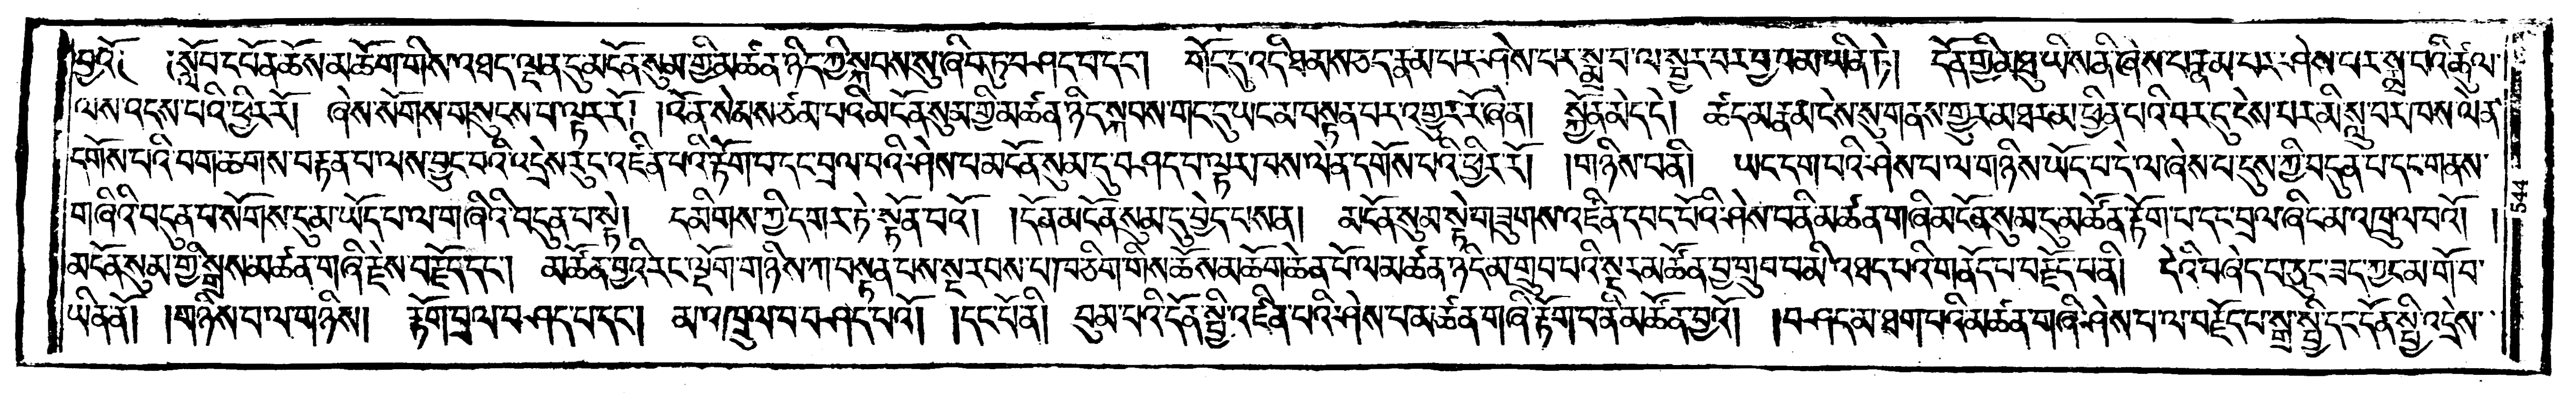བྱའོ༑ ༑སློབ་དཔོན་ཆོས་མཆོག་གིས་འཐད་ལྡན་དུ་མངོན་སུམ་གྱི་མཚན་ཉིད་ཀྱི་སྐབས་སུ་ཞིབ་ཏུ་བཤད་བ་དང་། གོང་དུ་འདི་ཐམས་ཅད་རྣམ་པར་ཤེས་པར་སྨྲ་བ་ལ་སྦྱར་བར་བྱ་བ་མ་ཡིན་ཏེ། དོན་གྱི་མཐུ་ཡིས་ནི་ཞེས་པ་རྣམ་པར་ཤེས་པར་སྨྲ་བའི་ཚུལ་
ལས་འདས་པའི་ཕྱིར་རོ། ཞེས་སོགས་གསུངས་པ་ལྟར་རོ། །འོ་ན་སེམས་ཙམ་པའི་མངོན་སུམ་གྱི་མཚན་ཉིད་སྐབས་གང་དུ་ཡང་མ་བསྟན་པར་འགྱུར་རོ་ཞེ་ན། སྐྱོན་མེད་དེ། ཚད་མ་རྣམ་ངེས་སུ་གནས་གྱུར་མཐར་མ་ཕྱིན་པའི་བར་དུ་ངེས་པར་མི་སླུ་བར་ཁས་ལེན་
དགོས་པའི་བག་ཆགས་བརྟན་པ་ལས་བྱུང་བའི་འདྲེས་རུང་འཛིན་པའི་རྟོག་པ་དང་བྲལ་བའི་ཤེས་པ་མངོན་སུམ་དུ་བཤད་པ་ལྟར་ཁས་ལེན་དགོས་པའི་ཕྱིར་རོ། །གཉིས་བ་ནི། ཡང་དག་བའི་ཤེས་པ་ལ་གཉིས་ཡོད་པ་དེ་ལ་ཞེས་པ་དུས་ཀྱི་བདུན་པ་དང་གནས་
གཞིའི་བདུན་པ་སོགས་དུ་མ་ཡོད་པ་ལ་གཞིའི་བདུན་པ་སྟེ། དམིགས་ཀྱི་དགར་ཏེ་སྟོན་བའོ། །དོན་མངོན་སུམ་དུ་བྱེད་པས་ན། མངོན་སུམ་སྟེ་གཟུགས་འཛིན་དབང་པོའི་ཤེས་བ་ནི་མཚན་གཞི་མངོན་སུམ་དུ་མཚོན་རྟོག་པ་དང་བྲལ་ཞིང་མ་འཁྲུལ་བའོ། །
མངོན་སུམ་གྱི་སྒྲས་མཚན་གཞི་རྗེས་བརྗོད་དང་། མཚོན་བྱའི་རང་ལྡོག་གཉིས་ཀ་བསྟན་པས་སྔར་བས་པ་ཁ་ཅིག་གིས་ཆོས་མཆོག་ཆེན་པོ་ལ་མཚན་ཉིད་མ་གྲུབ་པའི་སྔར་མཚོན་བྱ་གྲུབ་པ་མི་འཐད་པའི་གནོད་པ་བརྗོད་པ་ནི། དེའི་བཞེད་པ་ཅུང་ཟད་ཀྱང་མ་གོ་བ་
ཡིན་ནོ། །གཉིས་པ་ལ་གཉིས། རྟོག་བྲལ་བཤད་པ་དང་། མ་འཁྲུལ་བ་བཤད་པའོ། །དང་པོ་ནི། བུམ་པའི་དོན་སྤྱི་འཛིན་པའི་ཤེས་པ་མཚན་གཞི་རྟོག་བ་ནི་མཚོན་བྱའོ། །བཤད་མ་ཐག་པའི་མཚན་གཞི་ཤེས་པ་ལ་བརྗོད་པ་སྒྲ་སྦྱི་དང་དོན་སྤྱི་འདྲེས་